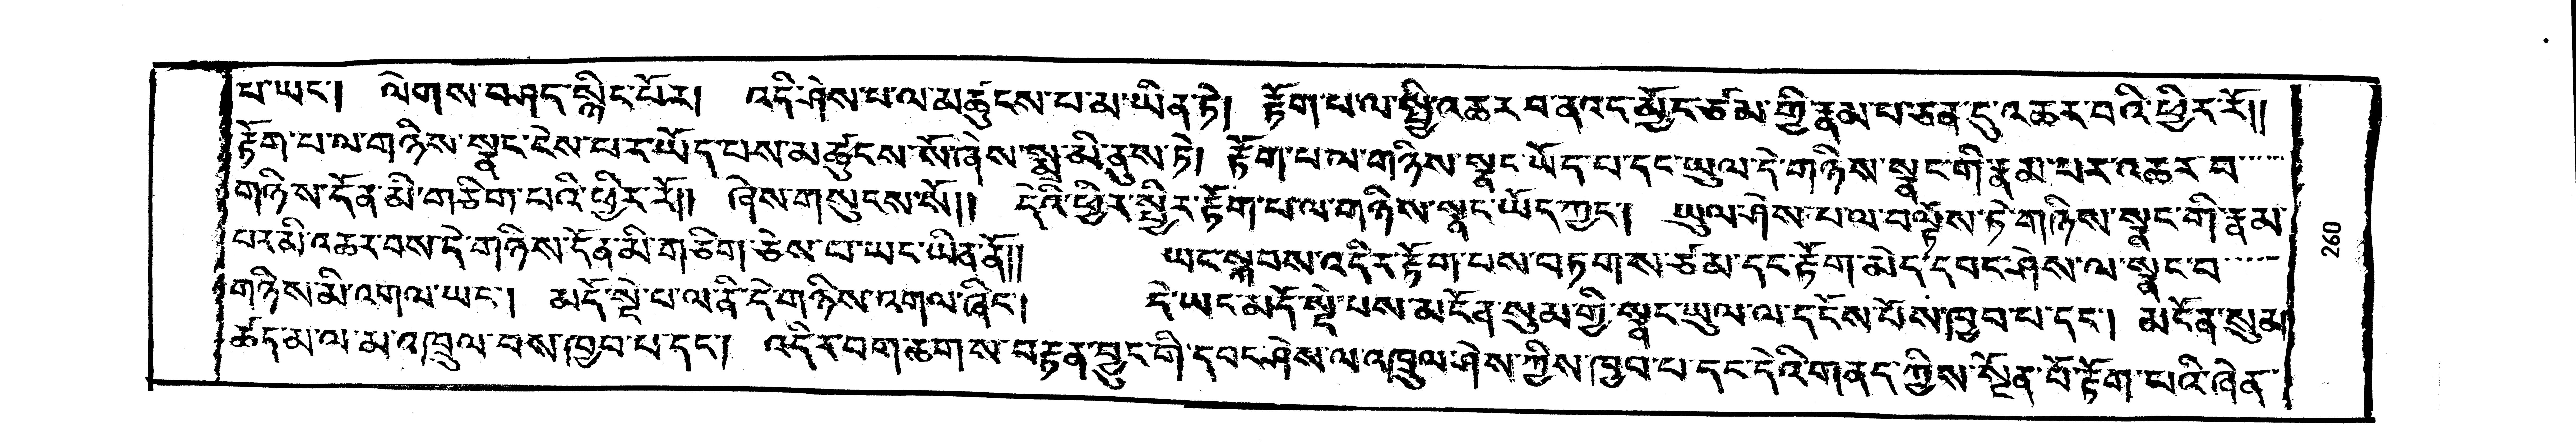པ་ཡང་། ལེགས་བཤད་སྙིང་པོར། འདི་ཤེས་པ་ལ་མཚུངས་པ་མ་ཡིན་ཏེ། རྟོག་པ་ལ་སྤྱི་འཆར་བ་ནའང་མྱོང་ཙམ་གྱི་རྣམ་པ་ཅན་དུ་འཆར་བའི་ཕྱིར་རོ། །
རྟོག་པ་ལ་གཉིས་སྣང་ངེས་པར་ཡོད་པས་མཚུངས་སོ་ཞེས་སྨྲ་མི་ནུས་ཏེ། རྟོག་པ་ལ་གཉིས་སྣང་ཡོད་པ་དང་ཡུལ་དེ་གཉིས་སྣང་གི་རྣམ་པར་འཆར་བ་
གཉིས་དོན་མི་གཅིག་པའི་ཕྱིར་རོ། །ཞེས་གསུངས་སོ། །དེའི་ཕྱིར་སྤྱིར་རྟོག་པ་ལ་གཉིས་སྣང་ཡོད་ཀྱང་། ཡུལ་ཤེས་པ་ལ་བལྟོས་ཏེ་གཉིས་སྣང་གི་རྣམ་
པར་མི་འཆར་བས་དེ་གཉིས་དོན་མི་གཅིག་ཅེས་པ་ཡང་ཡིན་ནོ། །ཡང་སྐབས་འདིར་རྟོག་པས་བཏགས་ཙམ་དང་རྟོག་མེད་དབང་ཤེས་ལ་སྣང་བ་
གཉིས་མི་འགལ་ཡང་། མདོ་སྡེ་པ་ལ་ནི་དེ་གཉིས་འགལ་ཞིང་། དེ་ཡང་མདོ་སྡེ་པས་མངོན་སུམ་གྱི་སྣང་ཡུལ་ལ་དངོས་པོས་ཁྱབ་པ་དང་། མངོན་སུམ་
ཚད་མ་ལ་མ་འཁྲུལ་བས་ཁྱབ་པ་དང་། འདིར་བག་ཆགས་བརྟན་བྱུང་གི་དབང་ཤེས་ལ་འཁྲུལ་ཤེས་ཀྱིས་ཁྱབ་པ་དང་དེའི་གནད་ཀྱིས་སྔོན་པོ་རྟོག་པའི་ཞེན་